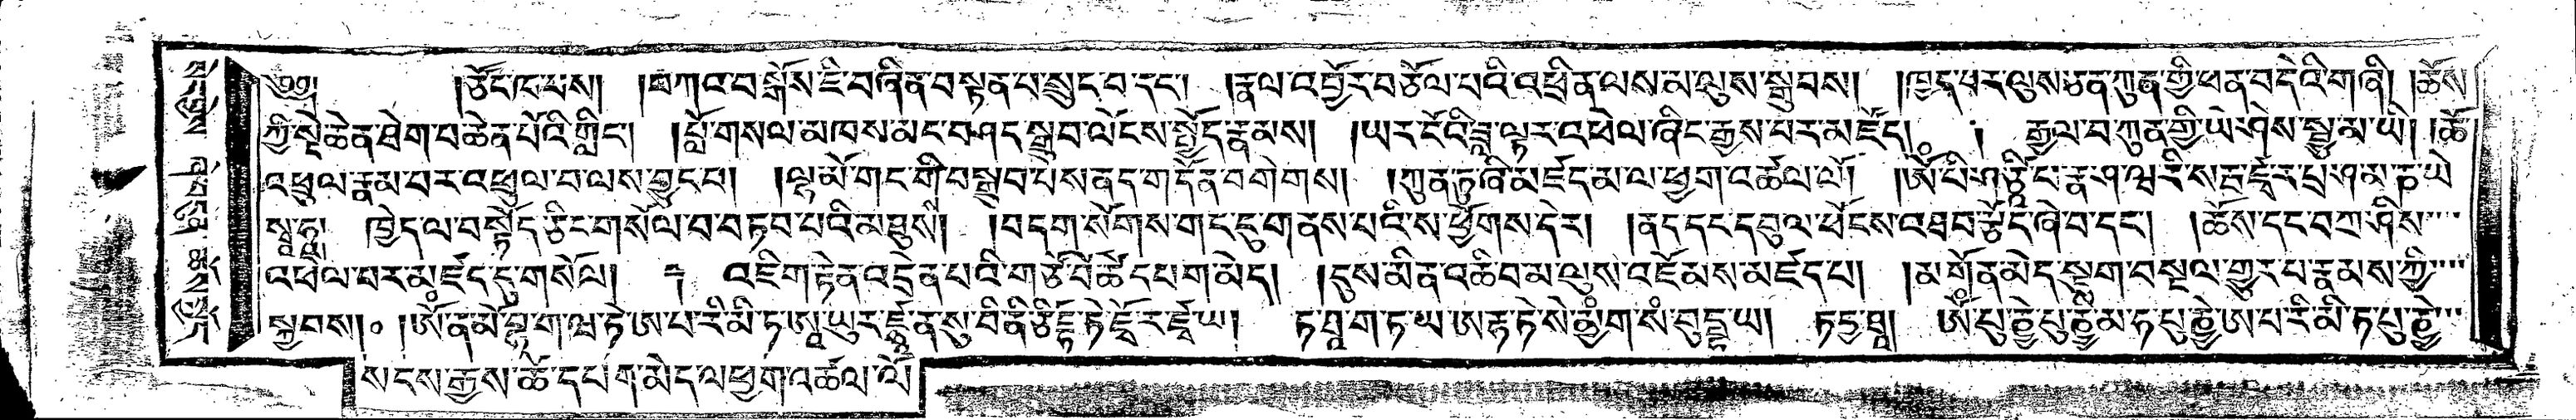༄༅། །ཙོང་ཁ་པས། །བཀའ་བསྒོས་ཇི་བཞིན་བསྟན་པ་སྲུང་བ་དང་། །རྣལ་འབྱོར་བཅོལ་པའི་འཕྲིན་ལས་མ་ལུས་སྒྲུབས། །ཁྱད་པར་ལུས་ཅན་ཀུན་གྱི་ཕན་བདེའི་གཞི། །ཆོས་
ཀྱི་སྡེ་ཆེན་ཐེག་པ་ཆེན་པོའི་གླིང་། །བློ་གསལ་མཁས་མང་བཤད་སྒྲུབ་ལོངས་སྤྱོད་རྣམས། །ཡར་ངོའི་ཟླ་ལྟར་འཕེལ་ཞིང་རྒྱས་པར་མཛོད། །རྒྱལ་བ་ཀུན་གྱི་ཡེ་ཤེས་སྒྱུ་མ་ཡི། །ཆོ་
འཕྲུལ་རྣམ་པར་འཕྲུལ་བ་ལས་བྱུང་བ། །ལྷ་མོ་གང་གིས་བསྒྲུབ་པས་ནད་གདོན་བགེགས། །ཀུན་ཏུ་ཞི་མཛད་མ་ལ་ཕྱག་འཚལ་ལོ། །ཨོཾ་པི་ཤ་ཙཱི་པ་རྣ་ཤ་ཝ་རི་སརྦ་ཛྭ་ར་པྲ་ཤ་མ་ཎ་ཡེ་
སྭཱ་ཧཱ། ཁྱེད་ལ་བསྟོད་ཅིང་གསོལ་བ་བཏབ་པའི་མཐུས། །བདག་སོགས་གང་དུ་གནས་པའི་ས་ཕྱོགས་དེར། །ནད་དང་དབུལ་ཕོངས་འཐབ་རྩོད་ཞེ་བ་དང་། །ཆོས་དང་བཀྲ་ཤིས་
འཕེལ་བར་མཛད་དུ་གསོལ། ༈ འཇིག་རྟེན་འདྲེན་པའི་གཙོ་བོ་ཚེ་དཔག་མེད། །དུས་མིན་འཆི་བ་མ་ལུས་འཇོམས་མཛད་པ། །མགོན་མེད་སྡུག་བསྔལ་གྱུར་པ་རྣམས་ཀྱི་
སྐྱབས། །སངས་རྒྱས་ཚེ་དཔག་མེད་ལ་ཕྱག་འཚལ་ལོ། །ཨོཾ་ན་མོ་བྷ་ག་ཝ་ཏེ་ཨ་པ་རི་མི་ཏ་ཨཱ་ཡུར་ཛྙཱ་ན་སུ་བི་ནི་ཙིདྷ་ཏེ་ཇྭོ་ར་ཛྭ་ཡ། ཏ་ཐཱ་ག་ཏ་ཡ་ཨརྷ་ཏེ་སེ་མྱཾག་སཾ་བུདྡྷ་ཡ། ཏ་དྱ་ཐཱ། ཨོཾ་པུ་ཎྱེ་པུ་ཎྱི་མ་ཧ་པུ་ཎྱེ་ཨ་པ་རི་མི་ཏ་པུ་ཎྱེ་